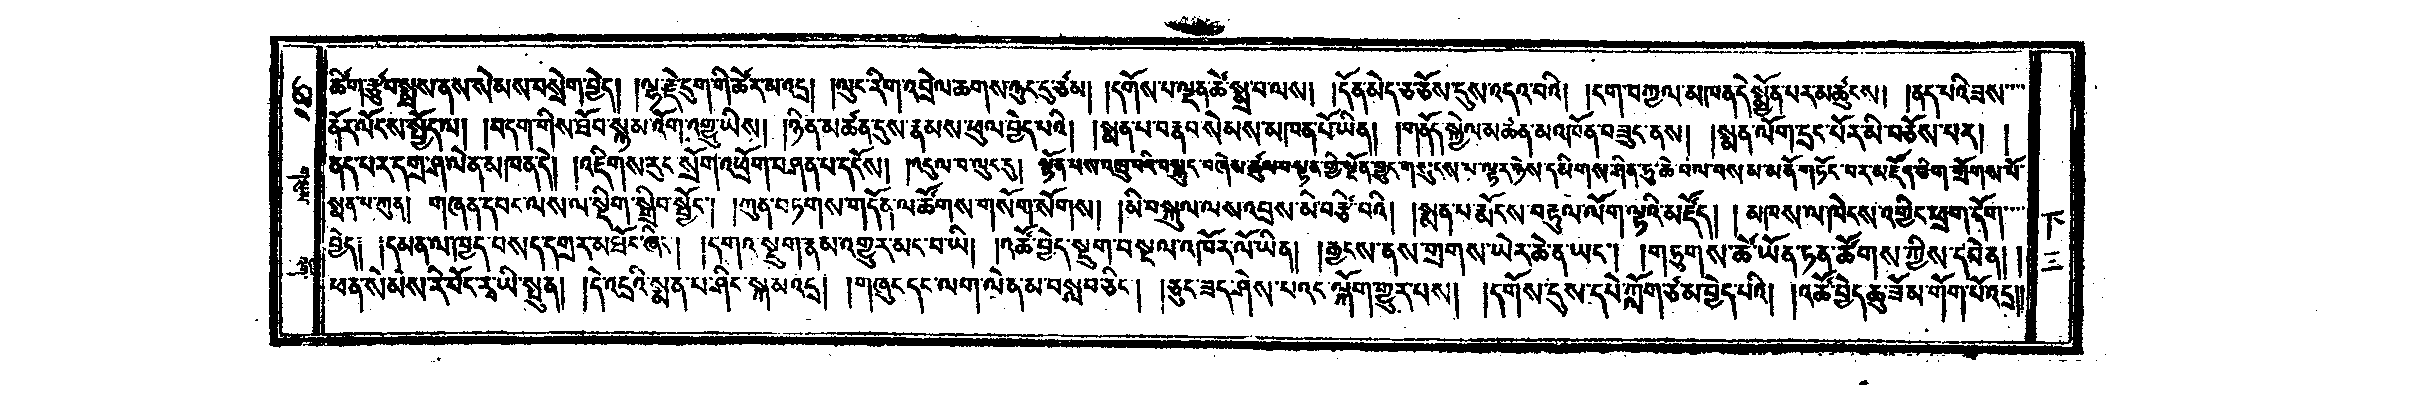ཚིག་རྩུབ་སྨྲས་ནས་སེམས་བསྲེག་བྱེད། །ལྷ་རྗེ་དུག་གི་ཚེར་མ་འདྲ། །ལུང་རིག་འབྲེལ་ཆགས་ཉུང་ངུ་ཙམ། །དགོས་པ་ལྡན་ཚེ་སྨྲ་བ་ལས། །དོན་མེད་ཅ་ཅོས་དུས་འདའ་བའི། །ངག་བཀྱལ་མཁན་དེ་སྨྱོན་པར་མཚུངས། །ནད་པའི་ཟས་
ནོར་ལོངས་སྤྱོད་ལ། །བདག་གིས་ཐོབ་སྙམ་འོག་འགྱུ་ཡིས། །ཉིན་མཚན་དུས་རྣམས་ཕུལ་བྱེད་པའི། །སྨན་པ་བརྣབ་སེམས་མཁན་པོ་ཡིན། །གནོད་སྐྱེལ་མཚན་མ་འཁོན་བཟུང་ནས། །སྨན་ལོག་དྲང་པོར་མི་བཅོས་པར། །
ནད་པར་དགྲ་ཤ་ལེན་མཁན་དེ། །འཇིགས་རུང་སྲོག་འཕྲོག་བཤན་པ་དངོས། །འདུལ་བ་ལུང་དུ། སྟོན་པས་འཁྲུ་བའི་བསྙུང་བཞེས་ཚུལ་བསྟན་གྱི་སྔོན་བྱུང་གསུངས་པ་ལྟར་ཉེས་དམིགས་ཤིན་ཏུ་ཆེ་བ་ལ་བསམ་མནོ་གཏོང་བར་མཛོད་ཅིག་གྲོགས་པོ་
སྨན་པ་ཀུན། གཞན་དབང་ལས་ལ་སྡིག་སྒྲིབ་སྦྱོང་། །ཀུན་བཏགས་གདོན་ལ་ཚོགས་གསོག་སོགས། །མི་བསྐུལ་ལས་འབྲས་མི་བརྩི་བའི། །སྨན་པ་རྨོངས་བརྟུལ་ལོག་ལྟའི་མཛོད། །མཁས་ལ་ཁེངས་འགྱིང་ཕྲག་དོག་
བྱེད། །དམན་ལ་ཁྱད་བསད་དགྲར་མཐོང་ཞིང་། །དགའ་སྡུག་རྣམ་འགྱུར་མང་བ་ཡི། །འཚོ་བྱེད་སྡུག་བསྔལ་འཁོར་ལོ་ཡིན། །རྒྱངས་ནས་གྲགས་ཡེར་ཆེ་ན་ཡང་། །གཏུགས་ཚེ་ཡོན་ཏན་ཚོགས་ཀྱིས་དབེན། །
ཕན་སེམས་རི་བོང་རྭ་ཡི་སྤུན། །དེ་འདྲའི་སྨན་པ་ཤིང་སྐམ་འདྲ། །གཞུང་དང་ལག་ལེན་མ་བསླབ་ཅིང་། །ཅུང་ཟད་ཤེས་པའང་ལྐོག་གྱུར་པས། །དགོས་དུས་དཔེ་ཀློག་ཙམ་བྱེད་པའི། །འཚོ་བྱེད་ཆུ་ཟོམ་གོག་པོ་འདྲ། །